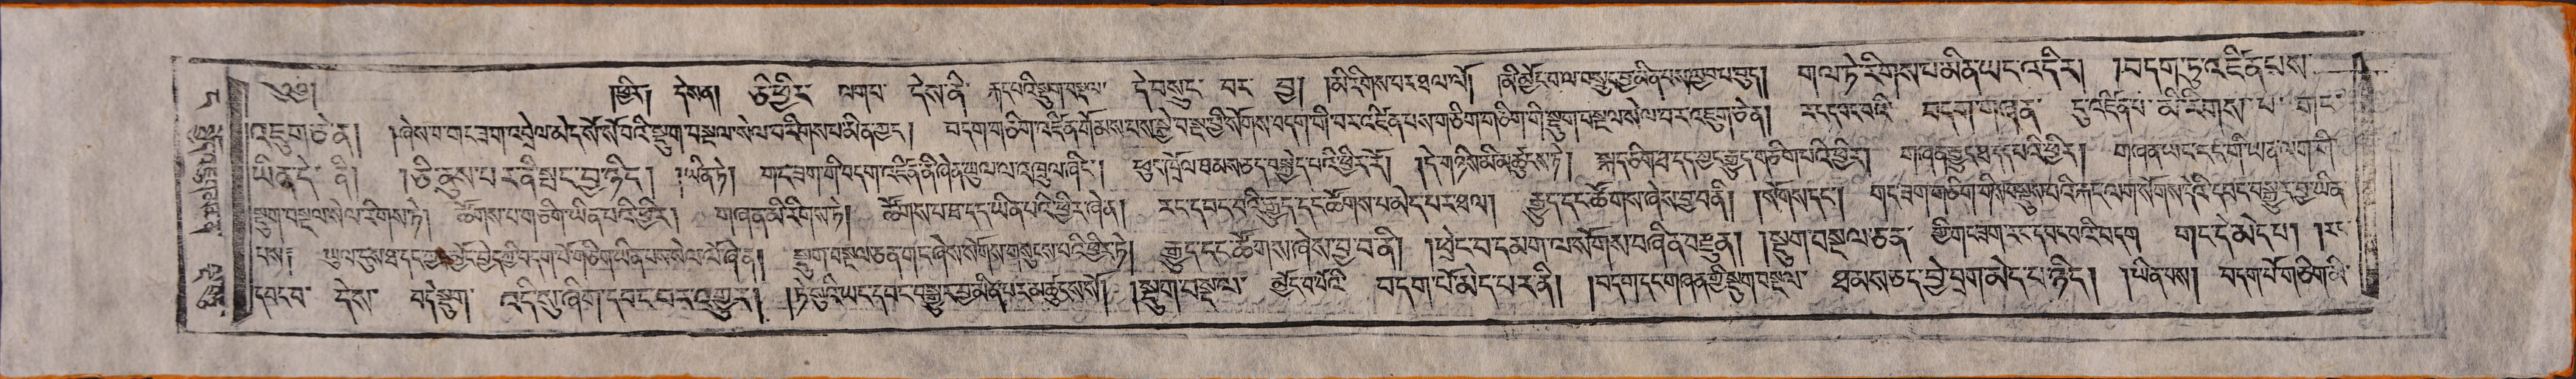༄༅། ། ཕྱིར༑ དེས་ན།  ཅི་ཕྱིར་ལག་པ་དེས་ནི་རྐང་པའི་སྡུག་བསྔལ་དེ་བསྲུང་བར་བྱ། །མི་རིགས་པར་ཐལ་ལོ། །མི་མྱོང་བ་ལ་བསྲུང་བྱ་མིན་བས་ཁྱབ་པ་བུད།  གལ་ཏེ་རིགས་པ་མིན་ཡང་འདིར། །བདག་ཏུ་འཛིན་པས་
འཇུག་ཅེ་ན། །ཞེས་པ་གང་ཟག་འབྲེལ་མེད་སོ་སོ་བའི་སྡུག་བསྔལ་སེལ་བ་རིགས་པ་མིན་ཀྱང་། །བདག་གཅིག་འཛིན་གོམས་པས་སྐྱེ་བ་སྔ་ཕྱི་སོགས་བདག་གི་བར་འཛིན་པས་གཅིག་གཅིག་གི་སྡུག་བསྔལ་སེལ་བར་འཇུག་ཅེ་ན། རང་དབང་བའི་བདག་གཞན་དུ་འཛིན་པ་མ་རིགས་པ་གང་
ཡིན་དེ་ནི། །ཅི་ནུས་པར་ནི་སྤང་བྱ་ཉིད། །ཡིན་ཏེ། །གང་ཟག་གི་བདག་འཛིན་ནི་ཞེན་ཡུལ་ལ་འཁྲུལ་ཞིང་། ཕུང་ཁྲོལ་ཐམས་ཅད་བསྐྱེད་པའི་ཕྱིར་རོ། །དེ་གཉིས་མི་མཚུངས་ཏེ། སྐད་ཅིག་ཐ་དད་ཀྱང་རྒྱུད་གཅིག་པའི་ཕྱིར། གཞན་རྒྱུད་ཐ་དད་པའི་ཕྱིར། གཞན་ཡང་རང་གི་ཡན་ལག་གི་
སྡུག་བསྔལ་སེལ་རིགས་ཏེ། ཚོགས་པ་གཅིག་ཡིན་པའི་ཕྱིར། གཞན་མི་རིགས་ཏེ། ཚོགས་པ་ཐ་དད་ཡིན་པའི་ཕྱིར་ཞེ་ན། །རང་དབང་བའི་རྒྱུད་དང་ཚོགས་པ་མེད་པར་ཐལ། རྒྱུད་དང་ཚོགས་ཞེས་བྱ་བ་ནི། །སོགས་དང་། གང་ཟག་གཅིག་གིས་བསྡུས་པའི་རྐང་ལག་སོགས་དེའི་དབང་བསྒྱུར་བྱ་ཡིན་
པས༑ ཡུལ་དུས་ཐ་དད་ཀྱང་མྱོང་བྱེད་ཀྱི་བདག་པོ་གཅིག་ཡིན་པས་སེལ་ལོ་ཞེ་ན། སྡུག་བསྔལ་ཅན་གང་ཞེས་སོགས་གསུངས་པའི་ཕྱིར་ཏེ། རྒྱུད་དང་ཚོགས་ཞེས་བྱ་བ་ནི། །ཕྲེང་བ་དམག་ལ་སོགས་བཞིན་བརྫུན། །སྡུག་བསྔལ་ཅན། གྱི་གང་ཟག་རང་དབང་བའི་བདག་གང་དེ་མེད་པ། །རང་
དབང་བ་དེས་བདེ་སྡུག་འདི་སུ་ཞིག་དབང་བར་འགྱུར། །ཏེ་སུའི་ཡང་དབང་བསྒྱུར་བྱ་མིན་པར་མཚུངས་སོ།  བསྡུག་བསྔལ། མྱོང་བ་པོའི་བདག་པོ་མེད་པར་ནི། །བདག་དང་གཞན་གྱི་སྡུག་བསྔལ་ཐམས་ཅད་བྱེ་བྲག་མེད་པ་ཉིད། །ཡིན་པས། བདག་པོ་གཅིག་མི་